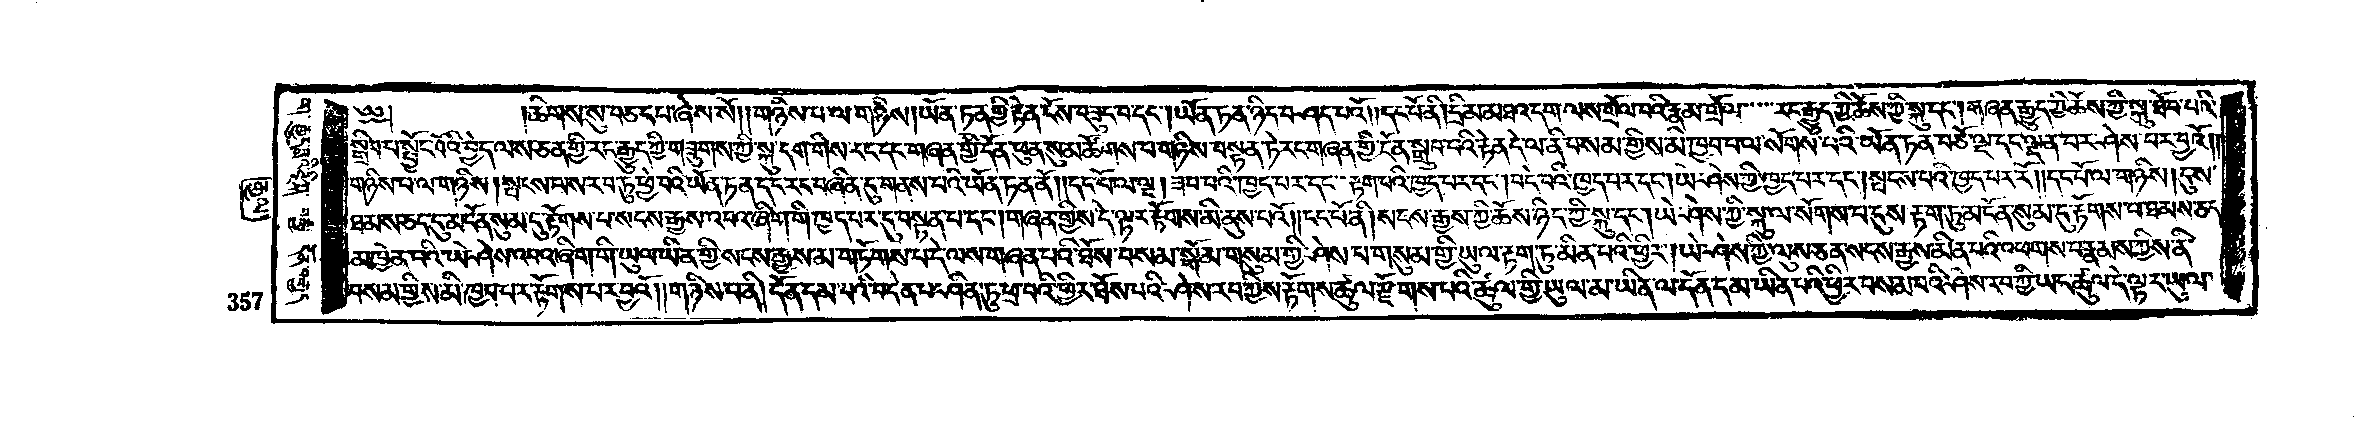༄༅། །ཚིགས་སུ་བཅད་པ་ཞེས་སོ། །གཉིས་པ་ལ་གཉིས། ཡོན་ཏན་གྱི་རྟེན་ངོས་བཟུང་བ་དང་། ཡོན་ཏན་ཉིད་བཤད་པའོ། །དང་པོ་ནི། དྲི་མ་མཐའ་དག་ལས་གྲོལ་བའི་རྣམ་གྲོལ་རང་རྒྱུད་ཀྱི་ཆོས་ཀྱི་སྐུ་དང་། གཞན་རྒྱུད་ཀྱི་ཆོས་ཀྱི་སྐུ་ཐོབ་པའི་
སྒྲིབ་པ་སྦྱོང་བོའི་བྱེད་ལས་ཅན་གྱི་རང་རྒྱུད་ཀྱི་གཟུགས་ཀྱི་སྐུ་དག་གིས་རང་དང་གཞན་གྱི་དོན་ཕུན་སུམ་ཚོགས་པ་གཉིས་བསྟན་ཏེ་རང་གཞན་གྱི་དོན་སྒྲུབ་པའི་རྟེན་དེ་ལ་ནི་བསམ་གྱིས་མི་ཁྱབ་པ་ལ་སོགས་པའི་ཡོན་ཏན་བཅོ་ལྔ་དང་ལྡན་པར་ཤེས་པར་བྱའོ། །
གཉིས་པ་ལ་གཉིས། སྤངས་པས་རབ་ཏུ་ཕྱེ་བའི་ཡོན་ཏན་དང་རང་བཞིན་དུ་གནས་པའི་ཡོན་ཏན་ནོ། །དང་པོ་ལ་ལྔ། ཟབ་པའི་ཁྱད་པར་དང་རྟག་པའི་ཁྱད་པར་དང་། བདེ་བའི་ཁྱད་པར་དང་། ཡེ་ཤེས་ཀྱི་ཁྱད་པར་དང་། སྤངས་པའི་ཁྱད་པར་རོ། །དང་པོ་ལ་གཉིས། དུས་
ཐམས་ཅད་དུ་མངོན་སུམ་དུ་རྟོགས་པ་སངས་རྒྱས་འབའ་ཞིག་གི་ཁྱད་པར་དུ་བསྟན་པ་དང་། གཞན་གྱིས་དེ་ལྟར་རྟོགས་མི་ནུས་པའོ། །དང་པོ་ནི། སངས་རྒྱས་ཀྱི་ཆོས་ཉིད་ཀྱི་སྐུ་དང་། ཡེ་ཤེས་ཀྱི་སྐུ་ལ་སོགས་པ་དུས་རྟག་ཏུ་མངོན་སུམ་དུ་རྟོགས་པ་ཐམས་ཅད་
མཁྱེན་པའི་ཡེ་ཤེས་འབའ་ཞིག་གི་ཡུལ་ཡིན་གྱི་སངས་རྒྱས་མ་གཏོགས་པ་དེ་ལས་གཞན་པའི་ཐོས་བསམ་སྒོམ་གསུམ་གྱི་ཤེས་པ་གསུམ་གྱི་ཡུལ་རྟག་ཏུ་མིན་པའི་ཕྱིར། ཡེ་ཤེས་ཀྱི་ལུས་ཅན་སངས་རྒྱས་མིན་པའི་འཕགས་པ་རྣམས་ཀྱིས་ནི་
བསམ་གྱིས་མི་ཁྱབ་པར་རྟོགས་པར་བྱའོ། །གཉིས་པ་ནི། དོན་དམ་པའི་བདེན་པ་ཤིན་ཏུ་ཕྲ་བའི་ཕྱིར་ཐོས་པའི་ཤེས་རབ་ཀྱིས་རྟོགས་ཚུལ་རྫོགས་པའི་ཚུལ་གྱི་ཡུལ་མ་ཡིན་ལ་དོན་དམ་ཡིན་པའི་ཕྱིར་བསམ་པའི་ཤེས་རབ་ཀྱི་ཡང་ཚུལ་དེ་ལྟར་ཡུལ་